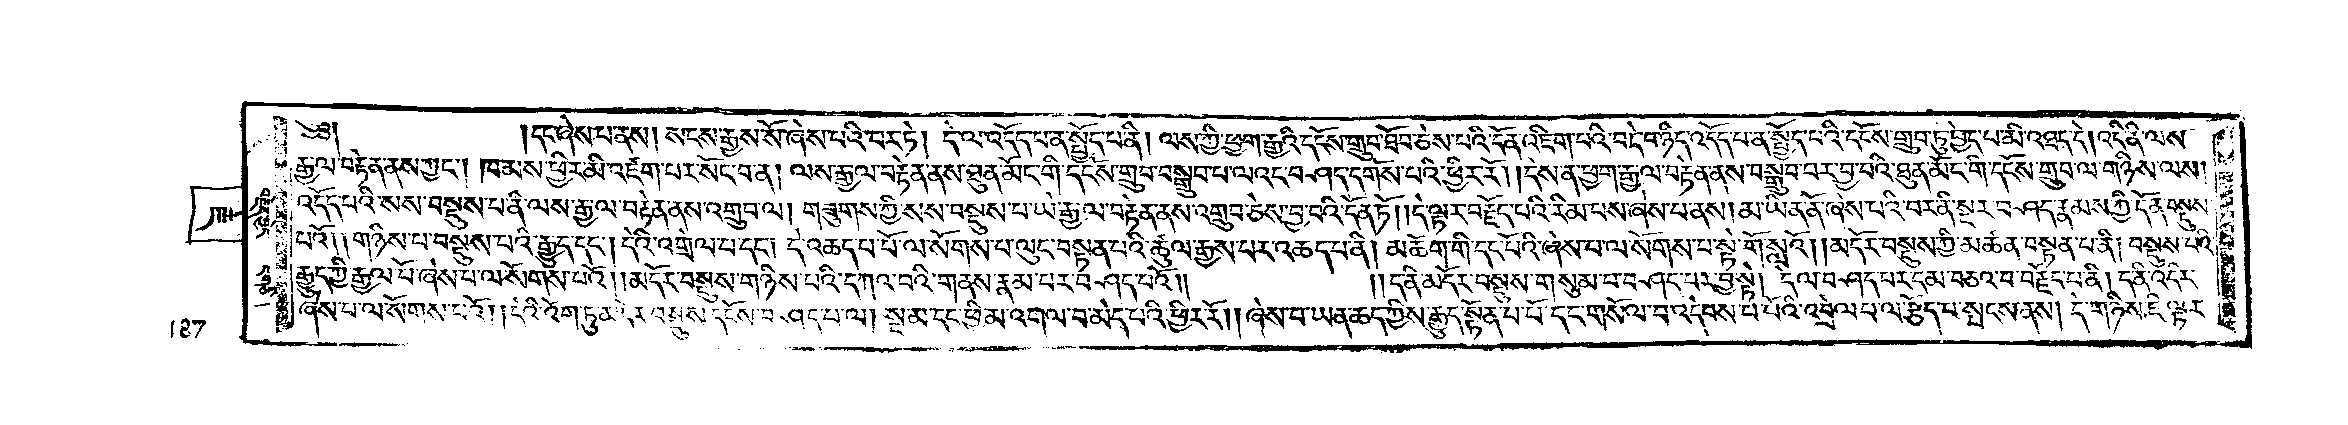༄༅། །དང་ཞེས་པ་ནས། སངས་རྒྱས་སོ་ཞེས་པའི་བར་ཏེ། དེ་ལ་འདོད་པ་ན་སྤྱོད་པ་ནི། ལས་ཀྱི་ཕྱག་རྒྱའི་དངོས་གྲུབ་ཐོབ་ཅེས་པའི་དོན་འཇིག་པའི་བདེ་བ་ཉིད་འདོད་པ་ན་སྤྱོད་པའི་དངོས་གྲུབ་ཏུ་བྱེད་པ་མི་འཐད་དེ། འདི་ནི་ལས་
རྒྱ་ལ་བརྟེན་ནས་ཀྱང་། ཁམས་ཕྱིར་མི་འཛག་པར་སོང་བ་ན། ལས་རྒྱ་ལ་བརྟེན་ནས་ཐུན་མོང་གི་དངོས་གྲུབ་བསྒྲུབ་པ་ལའང་བཤད་དགོས་པའི་ཕྱིར་རོ། །དེས་ན་ཕྱག་རྒྱ་ལ་བརྟེན་ནས་བསྒྲུབ་པར་བྱ་བའི་ཐུན་མོང་གི་དངོས་གྲུབ་ལ་གཉིས་ལས།
འདོད་པའི་སས་བསྡུས་པ་ནི་ལས་རྒྱ་ལ་བརྟེན་ནས་འགྲུབ་ལ། གཟུགས་ཀྱི་སས་བསྡུས་པ་ཡེ་རྒྱ་ལ་བརྟེན་ནས་འགྲུབ་ཅེས་བྱ་བའི་དོན་ཏོ། །དེ་ལྟར་བརྗོད་པའི་རིམ་པས་ཞེས་པ་ནས། མ་ཡིན་ནོ་ཞེས་པའི་བར་ནི་སྔར་བཤད་རྣམས་ཀྱི་དོན་བསྡུས་
པའོ༑ ༑གཉིས་པ་བསྡུས་པའི་རྒྱུད་དང་། དེའི་འགྲེལ་པ་དང་། དེ་འཆད་པ་པོ་ལ་སོགས་པ་ལུང་བསྟན་པའི་ཚུལ་རྒྱས་པར་འཆད་པ་ནི། མཆོག་གི་དང་པོའི་ཞེས་པ་ལ་སོགས་པ་སྟེ་གོ་སླའོ། །མདོར་བསྡུས་ཀྱི་མཚན་བསྟན་པ་ནི། བསྡུས་པའི་
རྒྱུད་ཀྱི་རྒྱལ་པོ་ཞེས་པ་ལ་སོགས་པའོ། །མདོར་བསྡུས་གཉིས་པའི་དཀའ་བའི་གནས་རྣམ་པར་བཤད་པའོ།། །།ད་ནི་མདོར་བསྡུས་གསུམ་པ་བཤད་པར་བྱ་སྟེ། དེ་ལ་བཤད་པར་དམ་བཅའ་བ་བརྗོད་པ་ནི། ད་ནི་འདིར་
ཞེས་པ་ལ་སོགས་པའོ། །དེའི་འོག་ཏུ་མདོར་བསྡུས་དངོས་བཤད་པ་ལ། ལྔ་མ་དང་ཕྱི་མ་འགལ་བ་མེད་པའི་ཕྱིར་རོ། །ཞེས་པ་ཡན་ཆད་ཀྱིས་རྒྱུད་སྟོན་པ་པོ་དང་གསོལ་བ་འདེབས་པ་པོའི་འབྲེལ་པ་ལ་རྩོད་པ་སྤངས་ནས། དེ་གཉིས་ཇི་ལྟར་